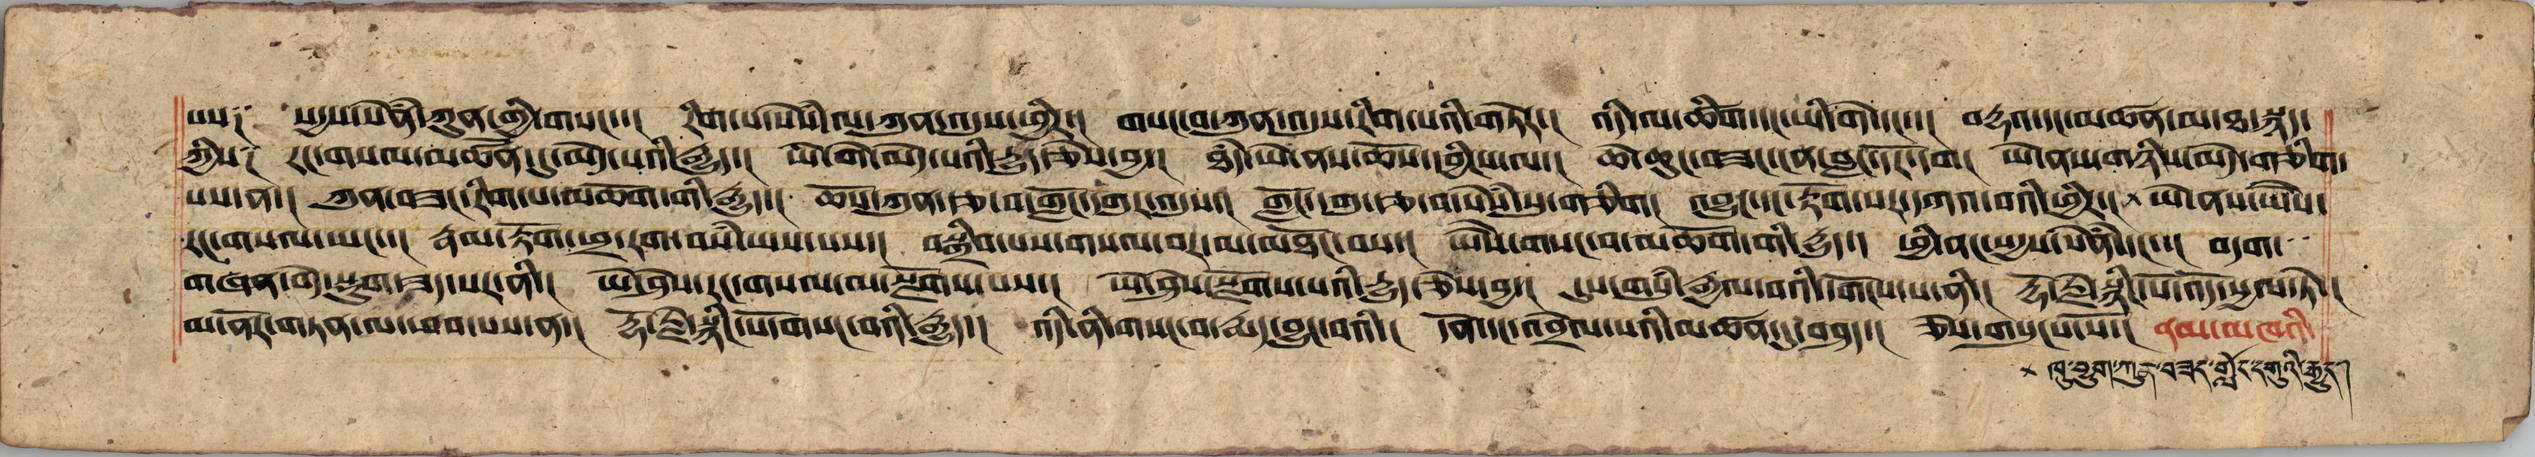པས༑ སདྱས་སེཾན་ཀུན་གྱི་གསང་་། རིག་པ་སེཾས་ལ་ཀུན་འདུས་ཕྱིར་། གསང་བ་ཀུན་འདུས་རིག་པའི་གཏེར་། འདི་ལ་ཚིག་དང་ཡི་གེ་དང་་། བརྡའ་དང་མཚན་མ་ཐ་སྙད་
ཀྱིས༑ རང་གསལ་མཚོན་དུ་མེད་པའི་རྒྱུད་། ཡི་གེ་མེད་པའི་དྱུད་ཅེས་བྱ་། ཐཾད་ཡེ་ནས་ཆོས་དབྱིངས་ལ་། ཆེ་ཆུང་བཟང་ངན་བླང་དོར་དག། ཡེ་ནས་གཉིས་མེད་གཅིག་
པས་ན་། ཀུན་བཟང་རིག་པ་མཆོག་གི་རྒྱུད་། ཆོས་ཀུན་རྩ་བ་གློང་དགུར་འདུས་། གློང་དགུ་རྩ་བ་སེཾས་སུ་གཅིག། འབྱུང་དང་རྟོག་པར་དཀའ་བའི་ཕྱིར་། ཡེ་ནས་ཡཻས་
རང་གསལ་ཡང་་། རྣམ་རྟོག་ཕྲ་རག་བསཾ་ཡས་པས་། བསྒྲིབ་པས་གསལ་བར་མ་མཐོང་བས་། ཡཻས་གསང་བ་མཆོག་གི་དྱུད་། ཕྱི་ནང་སདྱས་སེཾན་དང་་། བདག་
གཞན་བདེ་སྡུག་ཟད་པར་ནི་། ཡེ་ཤེས་རང་གསལ་མ་སྫོགས་པས་། ཡེ་ཤེས་སྫོགས་པའི་དྱུད་ཅེས་བྱ་། དུས་གསུཾ་རྒྱལ་བའི་དགོངས་པ་ནི་། རྡོ་རྗེ་སྙིང་པོ་འོད་སྱལ་ཏེ་།
མ་ནོར་གཏན་ལ་ཕབ་པས་ན་། རྡོ་རྗེ་སྙིང་པོ་གསང་བའི་རྒྱུད་། འདི་ནི་གསང་བ་རྨད་བྱུང་བའི་། དོན་དང་འབྲེལ་པའི་མཚན་དུ་བཤད་། ཅེས་གསུངས་སོ་། ནམ་མཁའི་